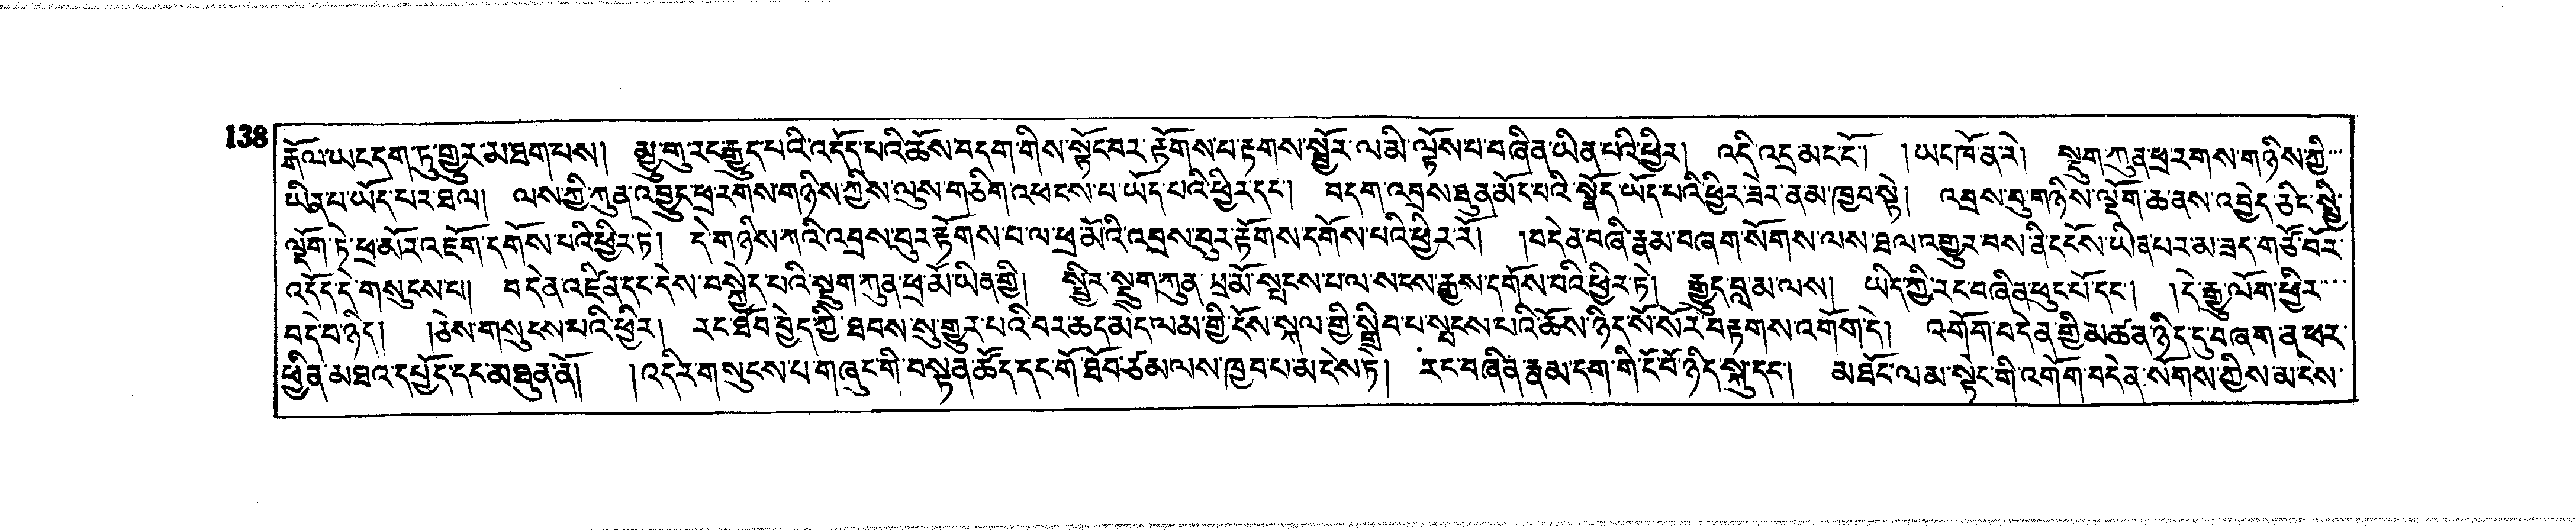རྒོལ་ཡང་དག་ཏུ་གྱུར་མ་ཐག་པས། མྱུ་གུ་རང་རྒྱུད་པའི་འདོད་པའི་ཆོས་བདག་གིས་སྟོང་བར་རྟོགས་པ་རྟགས་སྦྱོར་ལ་མི་ལྟོས་པ་བཞིན་ཡིན་པའི་ཕྱིར། འདི་འདྲ་མང་ངོ། །ཡང་ཁོ་ན་རེ། སྡུག་ཀུན་ཕྲ་རགས་གཉིས་ཀྱི་
ཡིན་པ་ཡོད་པར་ཐལ། ལས་ཀྱི་ཀུན་འབྱུང་ཕྲ་རགས་གཉིས་ཀྱིས་ལུས་གཅིག་འཕངས་པ་ཡོད་པའི་ཕྱིར་དང་། བདག་འབྲས་ཐུན་མོང་པའི་སྣོད་ཡོད་པའི་ཕྱིར་ཟེར་ན་མ་ཁྱབ་སྟེ། འབྲས་བུ་གཉིས་ལྡོག་ཆ་ནས་འབྱེད་ཅིང་སྤྱི་
ལྡོག་ཏེ་ཕྲ་མོར་འཇོག་དགོས་པའི་ཕྱིར་ཏེ། དེ་གཉིས་ཀའི་འབྲས་བུར་རྟོགས་པ་ལ་ཕྲ་མོའི་འབྲས་བུར་རྟོགས་དགོས་པའི་ཕྱིར་རོ། །བདེན་བཞི་རྣམ་བཞག་སོགས་ལས་ཐལ་འགྱུར་པས་ནི་དངོས་ཡིན་པར་མ་ཟད་གཙོ་བོར་
འདོད་དེ་གསུངས་པ། བདེན་འཛིན་དང་དེས་བསྐྱེད་པའི་སྡུག་ཀུན་ཕྲ་མོ་ཡིན་གྱི། སྤྱིར་སྡུག་ཀུན་ཕྲ་མོ་སྤངས་པ་ལ་སངས་རྒྱས་དགོས་པའི་ཕྱིར་ཏེ། རྒྱུད་བླ་མ་ལས། ཡིད་ཀྱི་རང་བཞིན་ཕུང་པོ་དང་། །དེ་རྒྱུ་ལོག་ཕྱིར་
བདེ་བ་ཉིད། །ཅེས་གསུངས་པའི་ཕྱིར། རང་ཐོབ་བྱེད་ཀྱི་ཐབས་སུ་གྱུར་པའི་བར་ཆད་མེད་པམ་གྱི་ངོས་སྐལ་གྱི་སྒྲིབ་པ་སྤངས་པའི་ཆོས་ཉིད་སོ་སོར་བརྟགས་འགོག་དེ། འགོག་བདེན་གྱི་མཚན་ཉིད་དུ་བཞག་ན་ཕར་
ཕྱིན་མཐའ་དཔྱོད་དང་མཐུན་ནོ། །འདིར་གསུངས་པ་གཞུང་གི་བསྟན་ཚོད་དང་གོ་ཐོབ་ཙམ་ལས་ཁྱབ་པ་མ་ངེས་ཏེ། རང་བཞིན་རྣམ་དག་གི་ངོ་བོ་ཉིད་སྐུ་དང་། མཐོང་ལམ་སྟེང་གི་འགོག་བདེན་སོགས་ཀྱིས་མ་ངེས་